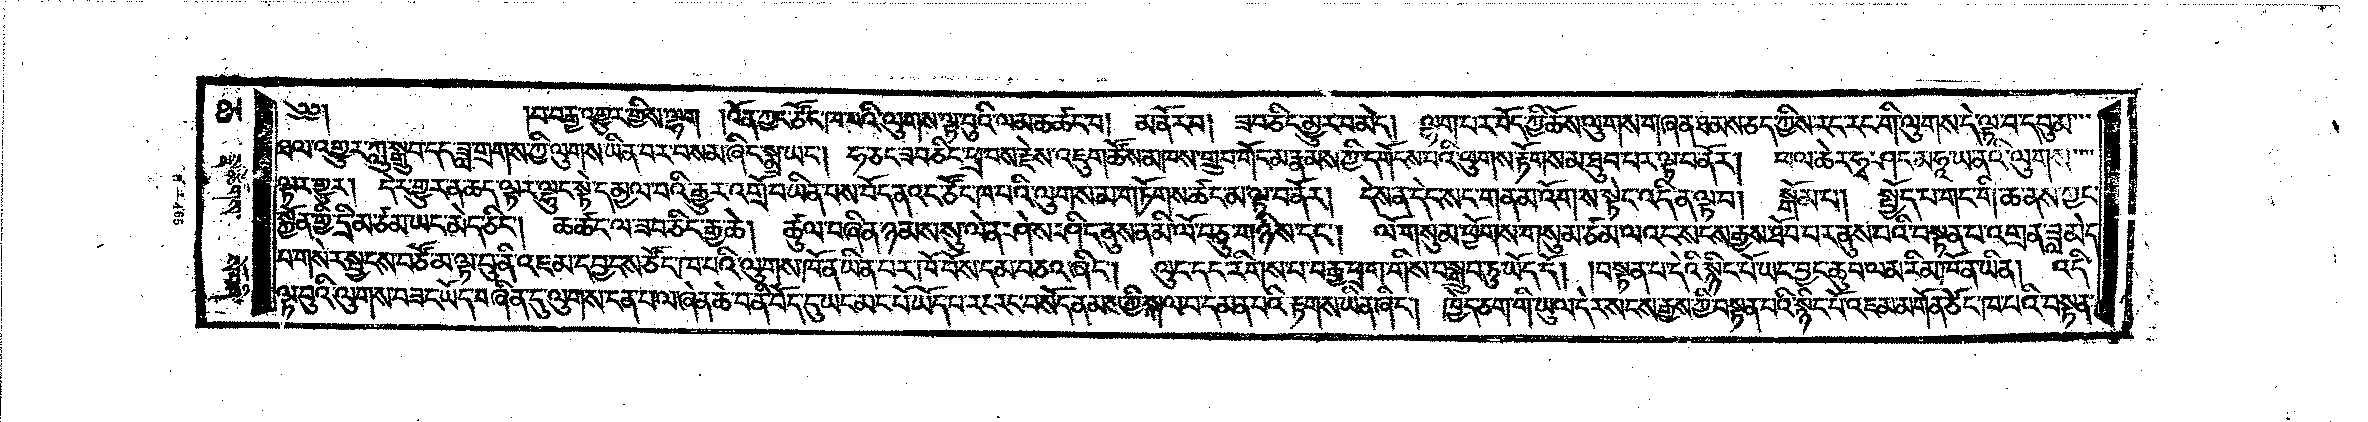༄༅། །བ་བརྒྱ་འགྱུར་གྱིས་ལྷག །འོན་ཀྱང་ཙོང་ཁ་པའི་ལུགས་ལྟ་བུའི་ལམ་ཆ་ཚང་བ། མ་ནོར་བ། ཟབ་ཅིང་མྱུར་བ་མེད། ལྷག་པར་བོད་ཀྱི་ཆོས་ལུགས་གཞན་ཐམས་ཅད་ཀྱིས་རང་རང་གི་ལུགས་དེ་ལྟ་བ་དབུ་མ་
ཐལ་འགྱུར་ཀླུ་སྒྲུབ་དང་ཟླ་གྲགས་ཀྱི་ལུགས་ཡིན་བར་བསམ་ཞིང་སྨྲ་ཡང་། ཧ་ཅང་ཟབ་ཅིང་ཕྲབས་རྗེས་འཇུག་ཚོས་མཁས་གྲུབ་གོང་མ་རྣམས་ཀྱི་དགོངས་པའི་ཕུགས་རྟོགས་མ་ཐུབ་པར་ལྟ་བ་ནོར། ཕལ་ཆེར་ཧྭ་ཤང་མཧཱ་ཡ་ནའི་ལུགས་
ལྟར་གྱུར། དེར་གྱུར་ན་ཆད་ལྟར་ལྷུང་སྟེ་དམྱལ་བའི་རྒྱུར་འགྲོ་བ་ཡིན་པས་བོད་ནའང་ཙོང་ཁ་པའི་ལུགས་མ་གཏོགས་ཚང་མ་ལྟ་བ་ནོར། དེས་ན་དེང་སང་གནམ་འོགས་སྟེང་འདི་ན་ལྟ་བ། སྒོམ་པ། སྤྱོད་པ་གང་གི་ཆ་ནས་ཀྱང་
སྐྱོན་གྱི་དྲི་མ་ཙམ་ཡང་མེད་ཅིང་། ཆ་ཚང་ལ་ཟབ་ཅིང་རྒྱ་ཆེ། ཚུལ་བཞིན་ཉམས་སུ་ལེན་ཤེས་ཤིང་ནུས་ན་མི་ལོ་བཅུ་གཉིས་དང་། ལོ་གསུམ་ཕྱོགས་གསུམ་ཙམ་ལའང་སངས་རྒྱས་ཐོབ་པར་ནུས་པའི་བསྟན་པ་འགྲན་ཟླ་མེད་
བ་གསེར་སྦྱངས་བཙོ་མ་ལྟ་བུ་ནི་འཇམ་དབྱངས་ཙོང་ཁ་པའི་ལུགས་ཁོ་ན་ཡིན་བར་ཁོ་བོས་དམ་བཅའ་ཞིང་། ལུང་དང་རིགས་པ་བརྒྱ་ཕྲག་གིས་བསྒྲུབ་ཏུ་ཡོད་དོ། །བསྟན་པ་དེའི་སྙིང་པོ་ཡང་བྱང་ཆུབ་ལམ་རིམ་ཁོ་ན་ཡིན། འདི་
ལྟ་བུའི་ལུགས་བཟང་ཡོད་བཞིན་དུ་ལུགས་ངན་པ་ལ་ཞེན་ཆེ་བ་ནི་བོད་དུ་ཡང་མང་པོ་ཡོད་པ་རང་རང་བསོད་ནམས་ཀྱི་སྐལ་བ་དམན་པའི་རྟགས་ཡིན་ཞིང་། ཁྱེད་ཅག་གི་ཡུལ་དེར་སངས་རྒྱས་ཀྱི་བསྟན་པའི་སྙིང་པོ་འཇམ་མགོན་ཙོང་ཁ་པའི་བསྟན་